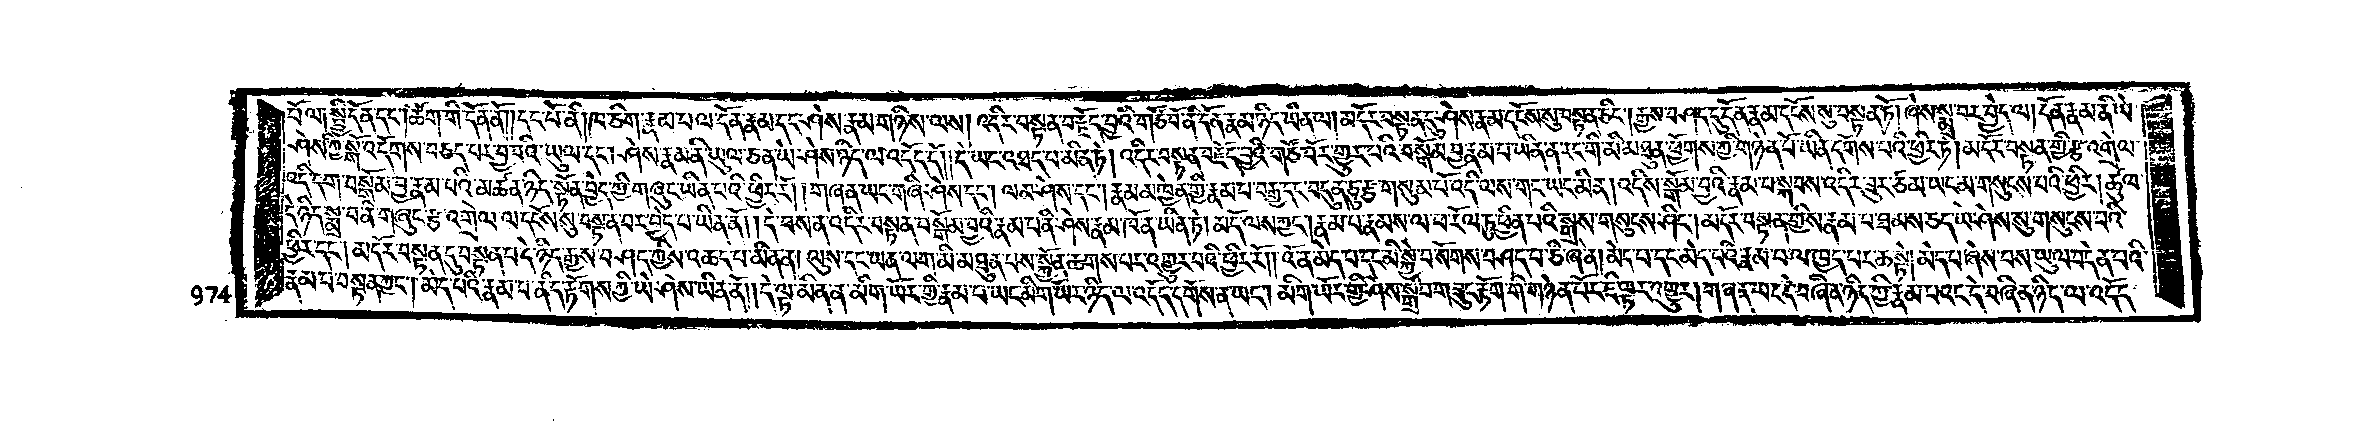པོ་ལ། སྤྱི་དོན་དང་། ཚིག་གི་དོན་ནོ། །དང་པོ་ནི། ཁ་ཅིག་རྣམ་པ་ལ་དོན་རྣམ་དང་ཤེས་རྣམ་གཉིས་ལས། འདྲི་བསྟན་བརྗོད་བྱའི་གཙོ་བོ་ནི་དོན་རྣམ་ཉིད་ཡིན་ལ། མདོར་བསྟན་དུ་ཤེས་རྣམ་དངོས་སུ་བསྟན་ཅིང་། རྒྱས་བཤད་དུ་དོན་རྣམ་དངོས་སུ་བསྟན་ཏོ། ཞེས་སྨྲ་བར་བྱེད་ལ། དོན་རྣམ་ནི་ཡེ་
ཤེས་ཀྱི་སྒོ་འདོགས་བཅད་པར་བྱ་བའི་ཡུལ་དང་། ཤེས་རྣམ་ནི་ཡུལ་ཅན་ཡེ་ཤེས་ཉིད་ལ་འདོད་དོ། །དེ་ཡང་འཐད་པ་མིན་ཏེ། འདིར་བསྟན་བརྗོད་བྱའི་གཙོ་བོར་གྱུར་པའི་བསྒོམ་བྱ་རྣམ་པ་ཡིན་ན་རང་གི་མི་མཐུན་ཕྱོགས་ཀྱི་གཉེན་པོ་ཡིན་དགོས་པའི་ཕྱིར་ཏེ། མདོར་བསྟན་གྱི་རྩ་འགྲེལ་
འདི་དག་བསྒོམ་བྱ་རྣམ་པའི་མཚན་ཉིད་སྟོན་བྱེད་ཀྱི་གཞུང་ཡིན་པའི་ཕྱིར་རོ། །གཞན་ཡང་གཞི་ཤེས་དང་། ལམ་ཤེས་དང་། རྣམ་མཁྱེན་གྱི་རྣམ་པ་བརྒྱ་དང་བདུན་ཅུ་རྩ་གསུམ་པོ་འདི་ལས་གང་ཡང་མིན། འདིས་སྒོམ་བྱའི་རྣམ་པ་སྐབས་འདིར་ཟུར་ཙམ་ཡང་མ་གསུངས་པའི་ཕྱིར། ཚུལ་
དེ་ཉིད་སྨྲ་བ་ནི་གཞུང་རྩ་འགྲེལ་ལ་དངོས་སུ་བསྟན་བར་བྱེད་པ་ཡིན་ནོ། །དེ་བས་ན་འདིར་བསྟན་བསྒོམ་བྱའི་རྣམ་པ་ནི་ཤེས་རྣམ་ཁོ་ན་ཡིན་ཏེ། མདོ་ལས་ཀྱང་། རྣམ་པ་རྣམས་ལ་ཕ་རོལ་ཏུ་ཕྱིན་པའི་སྒྲས་གསུངས་ཤིང་། མདོར་བསྟན་གྱིས་རྣམ་པ་ཐམས་ཅད་ཡེ་ཤེས་སུ་གསུངས་བའི་
ཕྱིར་དང་། མདོར་བསྟན་དུ་བསྟན་པ་དེ་ཉིད་རྒྱས་བཤད་ཀྱིས་འཆད་པ་མིན་ན། ལུས་དང་ཡན་ལག་མི་མཐུན་པས་སྐྱོན་ཆགས་པར་འགྱུར་བའི་ཕྱིར་རོ། །འོ་ན་མེད་པ་དང་མི་སྐྱེ་བ་སོགས་བཤད་པ་ཅི་ཞེ་ན། མེད་པ་དང་མེད་པའི་རྣམ་པ་ལ་ཁྱད་པར་ཆ་སྟེ། མེད་པ་ཞེས་པས་ཡུལ་བདེན་པའི་
རྣམ་པ་བསྟན་ཀྱང་། མེད་པའི་རྣམ་པ་ནི་ད་རྟོགས་ཀྱི་ཡེ་ཤེས་ཡིན་ནོ། །དེ་ལྟ་མིན་ན་མིག་ཡོར་གྱི་རྣམ་པ་ཡང་མིག་ཡོར་ཉིད་ལ་འདོད་དགོས་ན་ཡང་། མིག་ཡོར་གྱི་ཤེས་སྒྲིབ་གཟུང་རྟོག་གི་གཉེན་པོར་ཇི་ལྟར་འགྱུར། གཞན་ཡང་དེ་བཞིན་ཉིད་ཀྱི་རྣམ་པའང་དེ་བཞིན་ཉིད་ལ་འདོད་